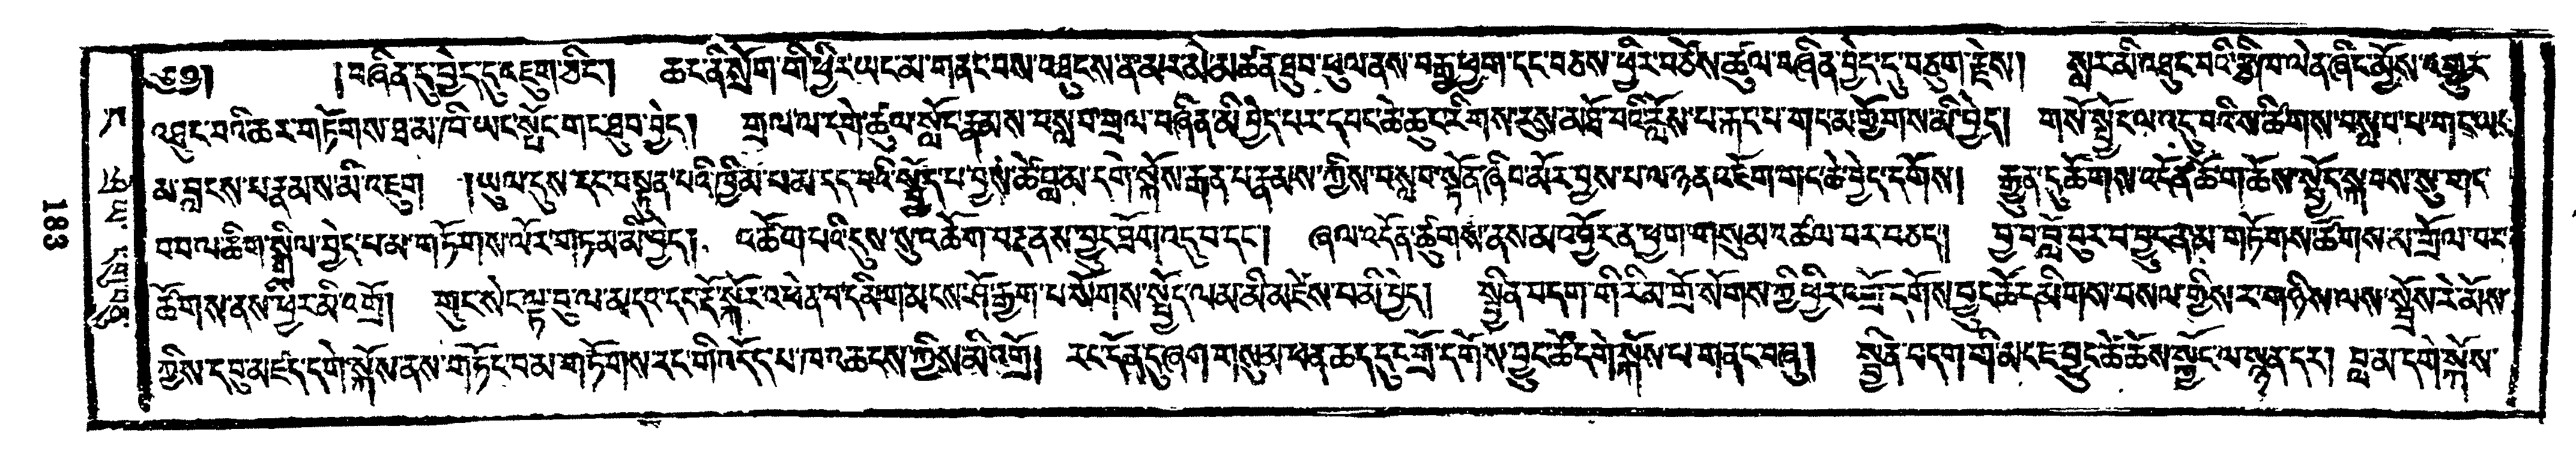༄༅། །བཞིན་དུ་བྱེད་དུ་འཇུག་ཅིང་། ཆང་ནི་སྲོག་གི་ཕྱིར་ཡང་མ་གནང་བས་འཐུངས་ན་མར་མེ་མཚན་ཐུབ་ཕུལ་ནས་བརྒྱ་ཕྱག་དང་བཅས་ཕྱིར་བཅོས་ཚུལ་བཞིན་བྱེད་དུ་བཅུག་རྗེས། སླར་མི་འཐུང་བའི་རྩི་ཁ་ལེན་ཞིང་མྱོས་འགྱུར་
འཐུང་བའི་ཆར་གཏོགས་ཐ་མ་ཁི་ཡང་སྤོང་གང་ཐུབ་བྱེད། གྲལ་ལ་དགེ་ཚུལ་སློང་རྣམས་བསླབ་གྲལ་བཞིན་མི་བྱེད་པར་དབང་ཆེ་ཆུང་རིགས་རུས་མཐོ་བའི་རློས་པ་རྐང་པ་གང་མགྱོགས་མི་བྱེད། གསོ་སྤྱོང་ལ་འདུ་བའི་ས་ཚིགས་བསླབ་པ་གང་ཡང་
མ་བླངས་པ་རྣམས་མི་འཇུག །ཡུལ་དུས་དང་བསྟུན་པའི་ཁྱིམ་པ་མ་དད་བའི་སྤྱོད་པ་བྱས་ཚེ་བླ་མ་དགེ་སྐོས་རྒན་པ་རྣམས་ཀྱིས་བསླབ་སྟོན་ཞིབ་མོར་བྱས་པ་ལ་ཉན་འཇོག་གང་ཆེ་བྱེད་དགོས། རྒྱུན་དུ་ཚོགས་འདོན་ཆོ་ག་ཆོས་སྤྱོད་སྐབས་སུ་གང་
བབ་ལ་ཆིག་སྒྲིལ་བྱེད་པ་མ་གཏོགས་ལོར་གཏམ་མི་བྱེད། འཚོག་པའི་དུས་སུ་འཆོག་བརྡ་ནས་བྱུང་ཐོག་འདུ་བ་དང་། ཞལ་འདོན་ཚུགས་ནས་མ་འབྱོར་ན་ཕྱག་གསུམ་འཚལ་བར་བཅད། བྱ་བ་བློ་བུར་བ་བྱུང་ན་མ་གཏོགས་ཚོགས་མ་གྲོལ་བར་
ཚོགས་ནས་ཕྱིར་མི་འགྲོ། གུང་སེང་ལྟ་བུ་ལ་མདའ་དང་རྡོ་སྐོར་འཕེན་པ་དམིག་མངས་ཤོ་རྒྱག་པ་སོགས་སྤྱོད་ལམ་མི་མཛེས་པ་མི་བྱེད། སྦྱིན་བདག་གི་རིམ་གྲོ་སོགས་ཀྱི་ཕྱིར་འགྲོ་དགོས་བྱུང་ཚེ་དམིགས་བསལ་གྱིས་པ་གཉིས་ལས་སྦྲོས་རེ་མོས་
ཀྱིས་དབུ་མཛད་དགེ་སྐོས་ནས་གཏོང་བ་མ་གཏོགས་རང་གི་འདོད་པ་ཁ་འཆངས་ཀྱིས་མི་འགྲོ། རང་དོན་དུ་ཞག་གསུམ་ཕན་ཆད་དུ་འགྲོ་དགོས་བྱུང་ཚེ་དགེ་སྐོས་པ་གནང་བཞུ། སྦྱིན་བདག་གི་མང་ཇ་བྱུང་ཚེ་ཆོས་སྐྱོང་ལ་སྙན་དར། བླ་མ་དགེ་སྐོས་